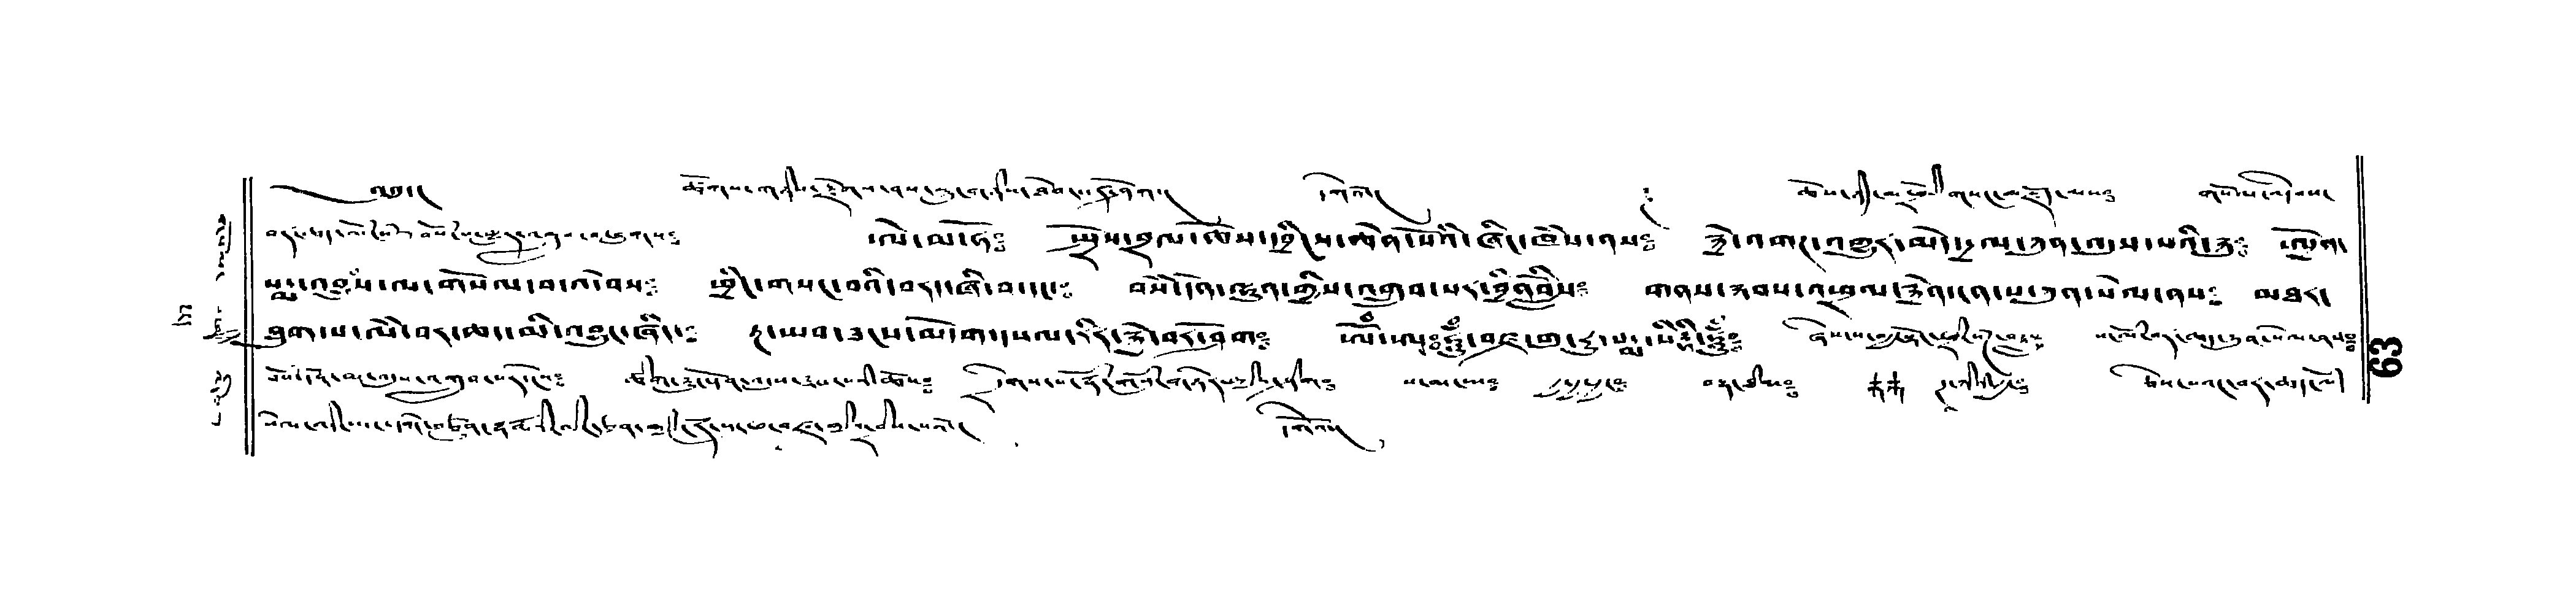།ཚོགས་གཉིས་རྫོགས་ནས་སྐུ་གཉིས་ཐོབ་པར་ཤོག དགེའོ།། ༈ ཆོས་ཉིད་མཁའ་འགྲོའི་གསང་མཛོད་ལས༔ གསོལ་འདེབས་
བར་ཆད་ལམ་སེལ་བསམ་པ་མྱུར་འགྲུབ་བཞུགས༔ ཨེ་མ་ཧོ༔ སྤྲོས་བྲལ་ཆོས་དབྱིངས་ཆེན་པོའི་ཞིང་ཁམས་ནས༔ སྐྱེ་འགགས་འགྱུར་མེད་རྒྱལ་ཀུན་འདུས་པའི་སྐུ༔ ཨོ་རྒྱན་
པདྨ་འབྱུང་གནས་ལ་གསོལ་བ་འདེབས༔ ཕྱི་ནང་གསང་བའི་བད་ཆད་ཞི་བ་དང༔ བསམ་དོན་ལྷུན་གྱིས་འགྲུབ་པར་བྱིན་གྱིས་རློབས༔ གནས་སྐབས་འཕྲལ་རྐྱེན་ངན་པ་ཀུན་སེལ་ནས༔ མཐར་
ཐུག་ས་ལམ་བར་ཆད་མི་འབྱུང་ཞིང༔ རྔ་ཡབ་ཟངས་མདོག་དཔལ་རིར་སྐྱེ་བར་ཤོག༔ ཨོཾ་ཨཱཿཧཱུྃ་བཛྲ་གུ་རུ་པདྨ་སིདྡྷི་ཧཱུྃ༔ ཞེས་པ་བརྒྱ་སྟོང་ཁྲི་སོགས་བཟླ༔ ས་ལམ་བར་ཆད་ཀུན་སེལ་ནས༔ 
བསམ་དོན་མ་ལུས་འགྲུབ་པར་ངེས༔ ཚིག་ཉུང་དོན་འདུས་ཟབ་པའི་ཆོསཿ དྲེགས་པ་རྣམ་གསུམ་གཏེར་གྱིས་ཤིག༔ ས་མ་ཡ༔ རྒྱ་རྒྱ་རྒྱ༔ བརྡ་ཐིམ༔ ཌཱ་ཀིའི་རྒྱ༔ ཅེས་པའང་བར་ཆད་ལམ་
སེལ་འདི་ཡང་དགེ་བཙུན་དྷརྨའི་མིང་ཅན་གྱི་ངོར་སུ་ཁ་བཛྲ་གྱིས་བྲིས་པའོ།།